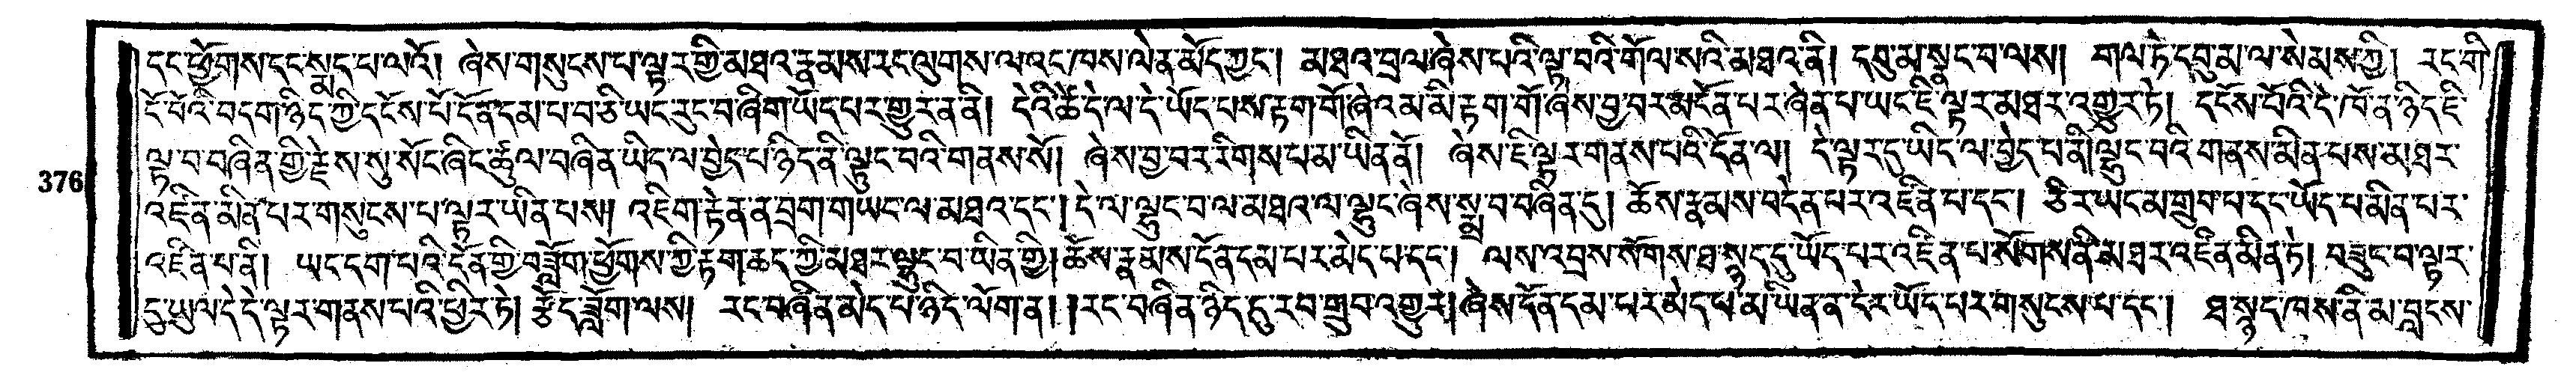དང་ཕྱོགས་དང་སྨད་པ་ལའོ། ཞེས་གསུངས་པ་ལྟར་གྱི་མཐའ་རྣམས་རང་ལུགས་ལའང་ཁས་ལེན་མོད་ཀྱང་། མཐའ་བྲལ་ཞེས་པའི་ལྟ་བའི་གོལ་སའི་མཐའ་ནི། དབུ་མ་སྣང་བ་ལས། གལ་ཏེ་དབུ་མ་ལ་སེམས་ཀྱི། རང་གི་
ངོ་བོའི་བདག་ཉིད་ཀྱི་དངོས་པོ་དོན་དམ་པ་བ་ཅི་ཡང་རུང་བ་ཞིག་ཡོད་པར་གྱུར་ན་ནི། དེའི་ཚེ་དེ་ལ་དེ་ཡོད་པས་རྟག་གོ་ཞེའམ་མི་རྟག་གོ་ཞེས་བྱ་བར་མངོན་པར་ཞེན་པ་ཡང་ཇི་ལྟར་མཐར་འགྱུར་ཏེ། དངོས་བོའི་དེ་ཁོ་ན་ཉིད་ཇི་
ལྟ་བ་བཞིན་གྱི་རྗེས་སུ་སོང་ཞིང་ཚུལ་བཞིན་ཡིད་ལ་བྱེད་པ་ཉིད་ནི་ལྟུང་བའི་གནས་སོ། ཞེས་བྱ་བར་རིགས་པ་མ་ཡིན་ནོ། ཞེས་ཇི་ལྟར་གནས་པའི་དོན་ལ། དེ་ལྟར་དུ་ཡིད་ལ་བྱེད་པ་ནི། ལྷུང་བའི་གནས་མིན་པས་མཐར་
འཛིན་མིན་པར་གསུངས་པ་ལྟར་ཡིན་པས། འཇིག་རྟེན་ན་བྲག་གཡང་ལ་མཐའ་དང་། དེ་ལ་ལྷུང་བ་ལ་མཐའ་ལ་ལྷུང་ཞེས་སྨྲ་བ་བཞིན་དུ། ཆོས་རྣམས་བདེན་པར་འཛིན་པ་དང་། ཅིར་ཡང་མ་གྲུབ་པ་དང་ཡོད་པ་མིན་པར་
འཛིན་པ་ནི། ཡང་དག་པའི་དོན་གྱི་བཟློག་ཕྱོགས་ཀྱི་རྟག་ཆད་ཀྱི་མཐར་ལྷུང་བ་ཡིན་གྱི། ཆོས་རྣམས་དོན་དམ་པར་མེད་པ་དང་། ལས་འབྲས་སོགས་ཐ་སྙད་དུ་ཡོད་པར་འཛིན་པ་སོགས་ནི་མཐར་འཛིན་མིན་ཏེ། བཟུང་བ་ལྟར་
དུ་ཡུལ་དེ་དེ་ལྟར་གནས་པའི་ཕྱིར་ཏེ། རྩོད་ཟློག་ལས། རང་བཞིན་མེད་པ་ཉིད་ལོག་ན། །རང་བཞིན་ཉིད་དུ་རབ་གྲུབ་འགྱུར། ཞེས་དོན་དམ་པར་མེད་པ་མ་ཡིན་ན་དེར་ཡོད་པར་གསུངས་པ་དང་། ཐ་སྙད་ཁས་ནི་མ་བླངས་